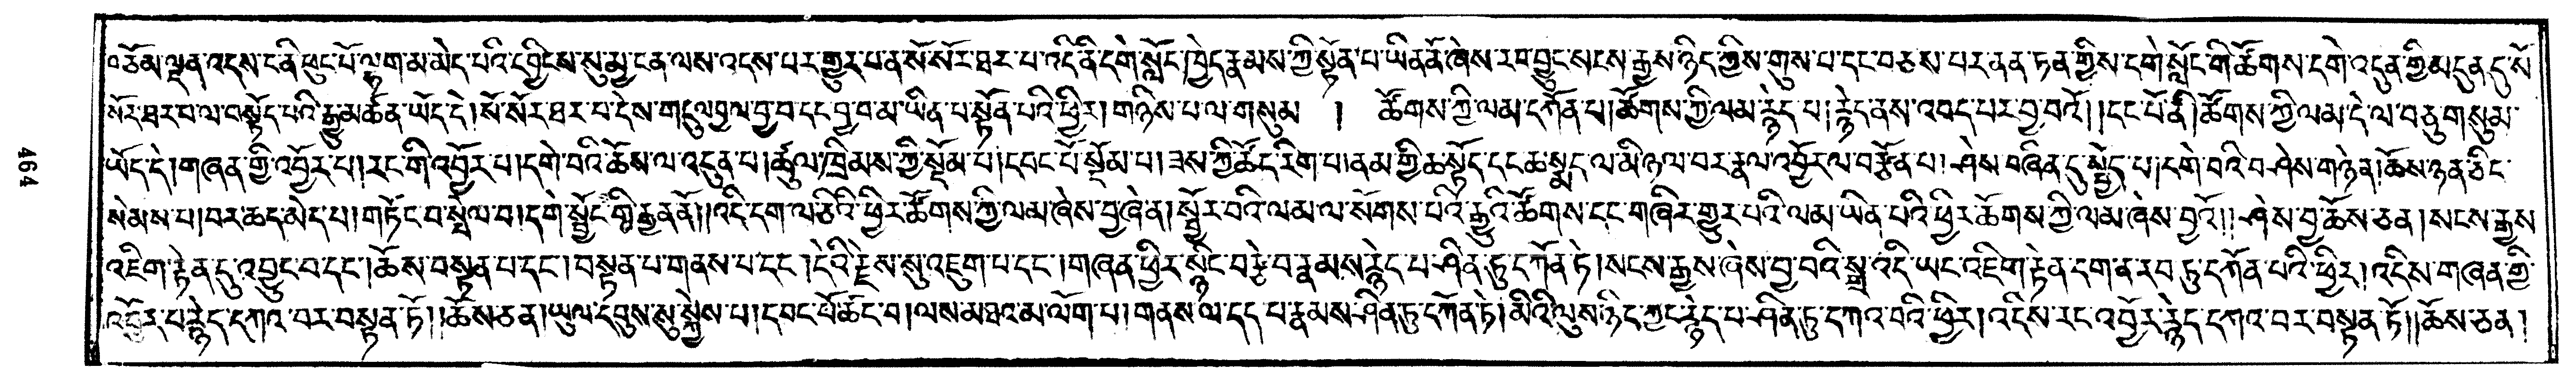བཅོམ་ལྡན་འདས་ང་ནི་ཕུང་པོ་ལྷག་མ་མེད་པའི་དབྱིངས་སུ་མྱ་ངན་ལས་འདས་པར་གྱུར་པ་ན་སོ་སོར་ཐར་པ་འདི་ནི་དགེ་སློང་ཁྱེད་རྣམས་ཀྱི་སྟོན་པ་ཡིན་ནོ་ཞེས་རབ་བྱུང་སངས་རྒྱས་ཉིད་ཀྱིས་གུས་པ་དང་བཅས་པར་ནན་ཏན་གྱིས་དགེ་སློང་གི་ཚོགས་དགེ་འདུན་གྱི་མདུན་དུ་སོ་
སོར་ཐར་བ་ལ་བསྟོད་པའི་རྒྱུ་མཚན་ཡོད་དེ། སོ་སོར་ཐར་པ་དེས་གདུལ་བྱ་ལ་བྱ་བ་དང་བྱ་བ་མ་ཡིན་པ་སྟོན་པའི་ཕྱིར། གཉིས་པ་ལ་གསུམ་།ཚོགས་ཀྱི་ལམ་དཀོན་པ། ཚོགས་ཀྱི་ལམ་རྙེད་པ། རྙེད་ནས་འབད་པར་བྱ་བའོ། །དང་པོ་ནི། ཚོགས་ཀྱི་ལམ་དེ་ལ་བཅུ་གསུམ་
ཡོད་དེ། གཞན་གྱི་འབྱོར་པ། རང་གི་འབྱོར་པ། དགེ་བའི་ཆོས་ལ་འདུན་པ། ཚུལ་ཁྲིམས་ཀྱི་སྡོམ་པ། དབང་པོ་སྡོམ་པ། ཟས་ཀྱི་ཚོད་རིག་པ། ནམ་གྱི་ཆ་སྟོད་དང་ཆ་སྨད་ལ་མི་ཉལ་བར་རྣལ་འབྱོར་ལ་བརྩོན་པ། ཤེས་བཞིན་དུ་སྤྱོད་པ། དགེ་བའི་བཤེས་གཉེན། ཆོས་ཉན་ཅིང་
སེམས་པ། བར་ཆད་མེད་པ། གཏོང་བ་སྤེལ་བ། དགེ་སྦྱོང་གི་རྒྱན་ནོ། །འདི་དག་ལ་ཅིའི་ཕྱིར་ཚོགས་ཀྱི་ལམ་ཞེས་བྱ་ཞེ་ན། སྦྱོར་བའི་ལམ་ལ་སོགས་པའི་རྒྱུའི་ཚོགས་དང་གཞིར་གྱུར་པའི་ལམ་ཡིན་པའི་ཕྱིར་ཆོགས་ཀྱི་ལམ་ཞེས་བྱའོ། །ཤེས་བྱ་ཆོས་ཅན། སངས་རྒྱས་
འཇིག་རྟེན་དུ་འབྱུང་བ་དང་། ཆོས་བསྟན་པ་དང་། བསྟན་པ་གནས་པ་དང་། དེའི་རྗེས་སུ་འཇུག་པ་དང་། གཞན་ཕྱིར་སྙིང་བརྩེ་བ་རྣམས་རྙེད་པ་ཤིན་ཏུ་དཀོན་ཏེ། སངས་རྒྱས་ཞེས་བྱ་བའི་སྒྲ་འདི་ཡང་འཇིག་རྟེན་དག་ན་རབ་ཏུ་དཀོན་པའི་ཕྱིར། འདིས་གཞན་གྱི་
འབྱོར་བ་རྙེད་དཀའ་བར་བསྟན་ཏོ། །ཆོས་ཅན། ཡུལ་དབུས་སུ་སྐྱེས་པ། དབང་པོ་ཚང་བ། ལས་མཐའ་མ་ལོག་པ། གནས་ལ་དད་པ་རྣམས་ཤིན་ཏུ་དཀོན་ཏེ། མིའི་ལུས་ཉིད་ཀྱང་རྙེད་པ་ཤིན་ཏུ་དཀའ་བའི་ཕྱིར། འདིས་རང་འབྱོར་རྙེད་དཀའ་བར་བསྟན་ཏོ།།ཆོས་ཅན།